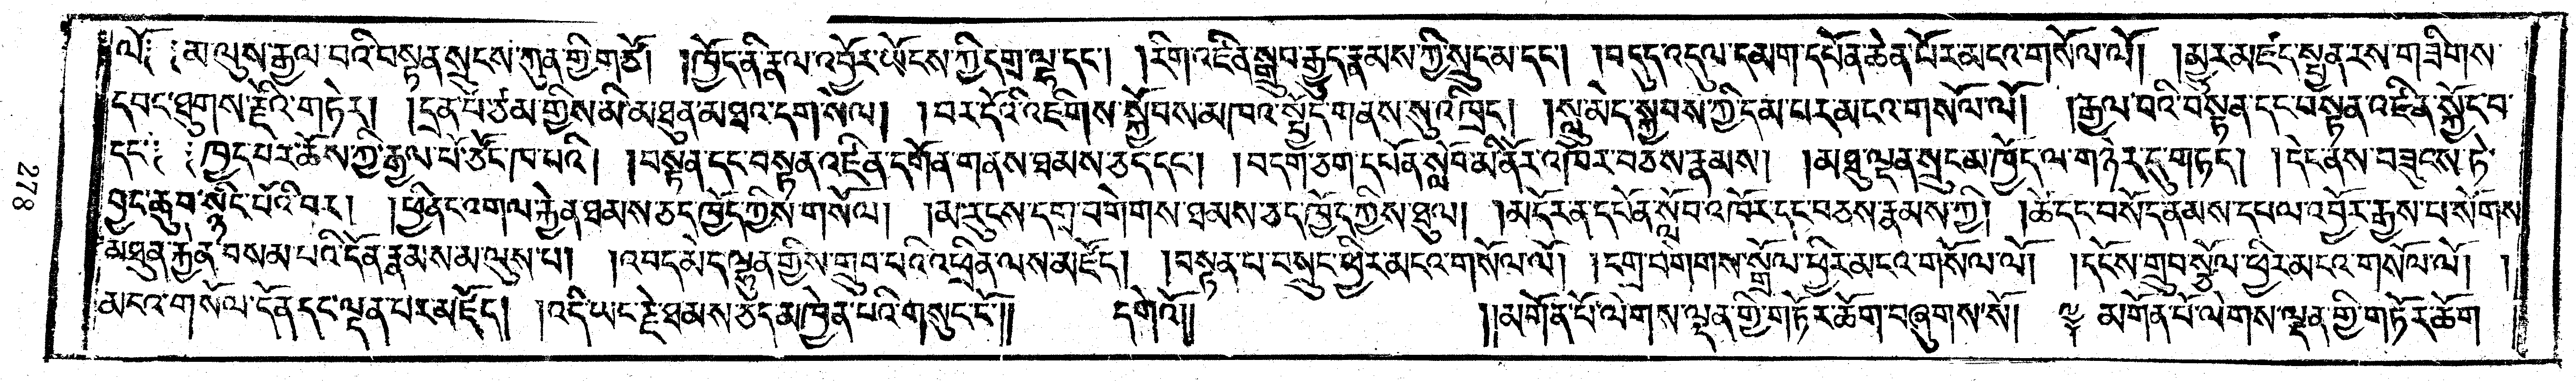ལོ༑ ༑མ་ལུས་རྒྱལ་བའི་བསྟན་སྲུངས་ཀུན་གྱི་གཙོ། །ཁྱོད་ནི་རྣལ་འབྱོར་ཡོངས་ཀྱི་དགྲ་ལྷ་དང་། །རིག་འཛིན་སྒྲུབ་རྒྱུད་རྣམས་ཀྱི་སྲུང་མ་དང་། །བདུད་འདུལ་དམག་དཔོན་ཆེན་པོར་མངའ་གསོལ་ལོ། །མྱུར་མཛད་སྤྱན་རས་གཟིགས་
དབང་ཐུགས་རྗེའི་གཏེར། །དྲན་པ་ཙམ་གྱིས་མི་མཐུན་མཐའ་དག་སེལ། །བར་དོའི་འཇིགས་སྐྱོབས་མཁའ་སྤྱོད་གནས་སུ་འཁྲིད། །སླུ་མེད་སྐྱབས་ཀྱི་དམ་པར་མངའ་གསོལ་ལོ། །རྒྱལ་བའི་བསྟན་དང་བསྟན་འཛིན་སྐྱོང་བ་
དང༑ ༑ཁྱད་པར་ཆོས་ཀྱི་རྒྱལ་པོ་ཙོང་ཁ་པའི། །བསྟན་དང་བསྟན་འཛིན་དགོན་གནས་ཐམས་ཅད་དང་། །བདག་ཅག་དཔོན་སློབ་མི་ནོར་འཁོར་བཅས་རྣམས། །མཐུ་ལྡན་སྲུང་མ་ཁྱོད་ལ་གཉེར་དུ་གཏད། །དེང་ནས་བཟུངས་ཏེ་
བྱང་ཆུབ་སྙིང་པོའི་བར། །ཕྱི་ནང་འགལ་རྐྱེན་ཐམས་ཅད་ཁྱོད་ཀྱིས་གསོལ། །མ་རུངས་དགྲ་བགེགས་ཐམས་ཅད་ཁྱོད་ཀྱིས་ཐུལ། །མདོར་ན་དཔོན་སློབ་འཁོར་དང་བཅས་རྣམས་ཀྱི། །ཚེ་དང་བསོད་ནམས་དཔལ་འབྱོར་རྒྱས་པ་སོགས་
མཐུན་རྐྱེན་བསམ་པའི་དོན་རྣམས་མ་ལུས་པ། །འབད་མེད་ལྷུན་གྱིས་གྲུབ་པའི་འཕྲིན་ལས་མཛོད། །བསྟན་པ་བསྲུང་ཕྱིར་མངའ་གསོལ་ལོ། །དགྲ་བགེགས་སྒྲོལ་ཕྱིར་མངའ་གསོལ་ལོ། །དངོས་གྲུབ་སྩོལ་ཕྱིར་མངའ་གསོལ་ལོ། །
མངའ་གསོལ་དོན་དང་ལྡན་པར་མཛོད། །འདི་ཡང་རྗེ་ཐམས་ཅད་མཁྱེན་པའི་གསུང་ངོ།། དགེའོ།། །།མགོན་པོ་ལེགས་ལྡན་གྱི་གཏོར་ཆོག་བཞུགས་སོ། ༈ མགོན་པོ་ལེགས་ལྡན་གྱི་གཏོར་ཆོག་